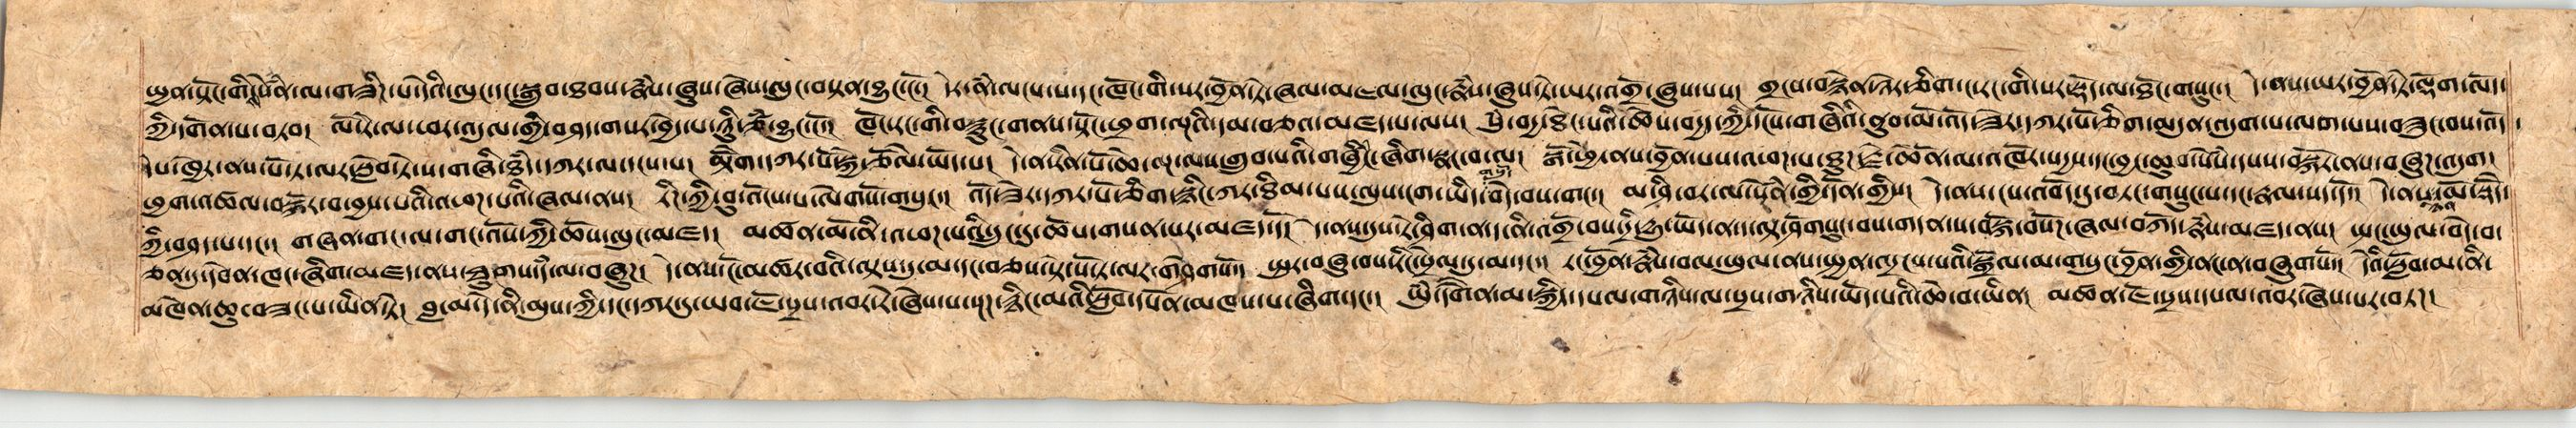སྤྱན་སྟོང་གིས་སེཾན་ལ་གཟིཌ་པ་དེའི་ལུང་དང་སྒྲུབ་ཐབས་རྣཾས་ཞུས་ཞེས་ལུང་བསྟན་བྱུང་ངོ་། དེར་ནཾ་ལངས་པ་དང་ཁོང་གི་སར་བྱོན་ཏེ་ཞལ་མཇལ་ལུང་རྣཾས་ཞུས་ཏེ་ཡར་འགྲོ་ཞུས་པས། གྲངས་བསྙེན་ཉེར་ཅིག་ང་རང་གི་སར་སྡོད་ལ་ཐོང་གསུང་། དེ་ནས་ཡར་བྱོན་ཏེ་ལྡོག་ལོད་
ཀྱི་དགོན་པ་བཏབ། ལོ་རེ་ལ་ཕར་འདུལ་གྱི་བཤད་གསར་བྱེད་པ་ཉིུ་ཙཾ་བྱུང་ངོ་། ཁོང་རང་གི་བསྙུང་གནས་སྟོང་ཕྱག་ལྔའི་དམ་བཅའ་མཛད་པ་ལས། སུཾ་བདྱ་ཐེང་པའི་ཚེས་བདྱད་ཀྱི་དངོས་གཞིའི་ནུབ་མོ་འོད་ཟེར་དཀར་པོ་ཅིག་མདུན་འདུག་པ་ལག་པས་བཟུང་བས་འོད་
དེས་ཁྱེར་ནས་པོ་ཏ་ལར་སླེབ་ཏེ་ས་གཞི་ཐཾད་དཀར་ལ་དངས་པ། མྟེོག་དཀར་པོ་སྐྱོ་ཅོལེ་ཡོད་པ། དེ་ན་རིན་པོ་ཆེ་ལྔ་ལས་གྲུབ་པའི་གཞྱིིང་ཞིག་སྣང་བ་ལ། སྒོ་ཕྱེ་ནས་བྱོན་པས་འཕཌ་པ་ཐུཌ་རྗེ་ཆེན་པོ་ལ་འཁོར་སདྱས་དང་བྱང་ཆུབ་སེཾས་དཔས་བསྐོར་ནས་བཞུཌ་འདུག།
ཕྱག་འཚལ་བསྐོར་བ་བྱས་པའི་འཕཌ་པའི་ཞལ་ནས། རིཌ་ཀྱི་བུ་འོངས་པ་ལེགསོ་གསུང་། འོད་ཟེར་དཀར་པོ་ཅིག་སྙིང་ཀར་ཐིམ་པས་ལུས་ངག་ཡིད་གསུཾ་བདེ་བས་གང་། མ་ཤི་བར་ལ་སེཾན་གྱི་དོན་གྱིས། དེ་ནས་ངས་འབོད་དུ་བཏང་གསུང་པདང་རྣལ་སད་དོ་། དེ་ནས་ཉིན་མོ་སྡེོད་
ཀྱི་བཤད་པ་དང་། གཞན་གང་ལ་གང་འོས་ཀྱི་ཆོས་ལུང་མཛད། མཚན་མོ་ནི་འཕཌ་པའི་དྲུང་དུ་ཆོས་གསན་པར་མཛད་དོ། དེ་ནས་དུས་རེ་ཤིག་ན་ད་ནི་ང་འགྲོ་བས་དྲི་དྱུ་ཡོད་ན་ད་ལྟ་ཤོགསུང་བས་གདན་ས་བསྐོ་བསོཌ་ཞལ་བཀོད་རྣཾས་མཛད་ནས། སྤང་ཡུལ་བདེ་བ་
ཅན་དུ་དབེན་ཁང་ཞིག་མཛད་ནས་ཐུགས་དཾ་ལ་བཞུཌ། དེ་ནས་ངོ་མཚར་བའི་ལྟས་དུ་མ་དང་བཅས་སྟེ་པོ་ཏ་ལར་གཤེགསོ། སྤུར་བཞུ་བས་རིང་སྲེལ་དུ་མ་དང་། རང་བྱོན་རྣཾས་བལ་ཕུལ་ནས་སྤྱན་འདྲངས་པའི་སྒྲོལ་མ་གསུང་འབྱོན་གྱི་ནང་ན་བཞུགསོ། དེའི་སློབ་མ་ནི་
མཁེན་ཆུ་བཟང་པ་ཡིན་ཏེ། བླ་མ་དེ་ནི་མུས་ཀྱི་དང་དཀར་དུ་ཡབ་ཇོ་སྲས་འབར་རེ་ཞེས་པ་སྔཌརྙིང་མའི་སློབ་དཔོན་མཁས་པ་ཞིག་དང་། ཡུཾ་དགཻན་མ་སྐྱིད་དཔལ་གཉིས་ལ་སྲས་གཉིས་ཡོད་པའི་ཆེ་བ་ཡིན། མཚན་ཇོ་སྲས་དཔལ་འབར་ཞེས་པར་བཏཌ།